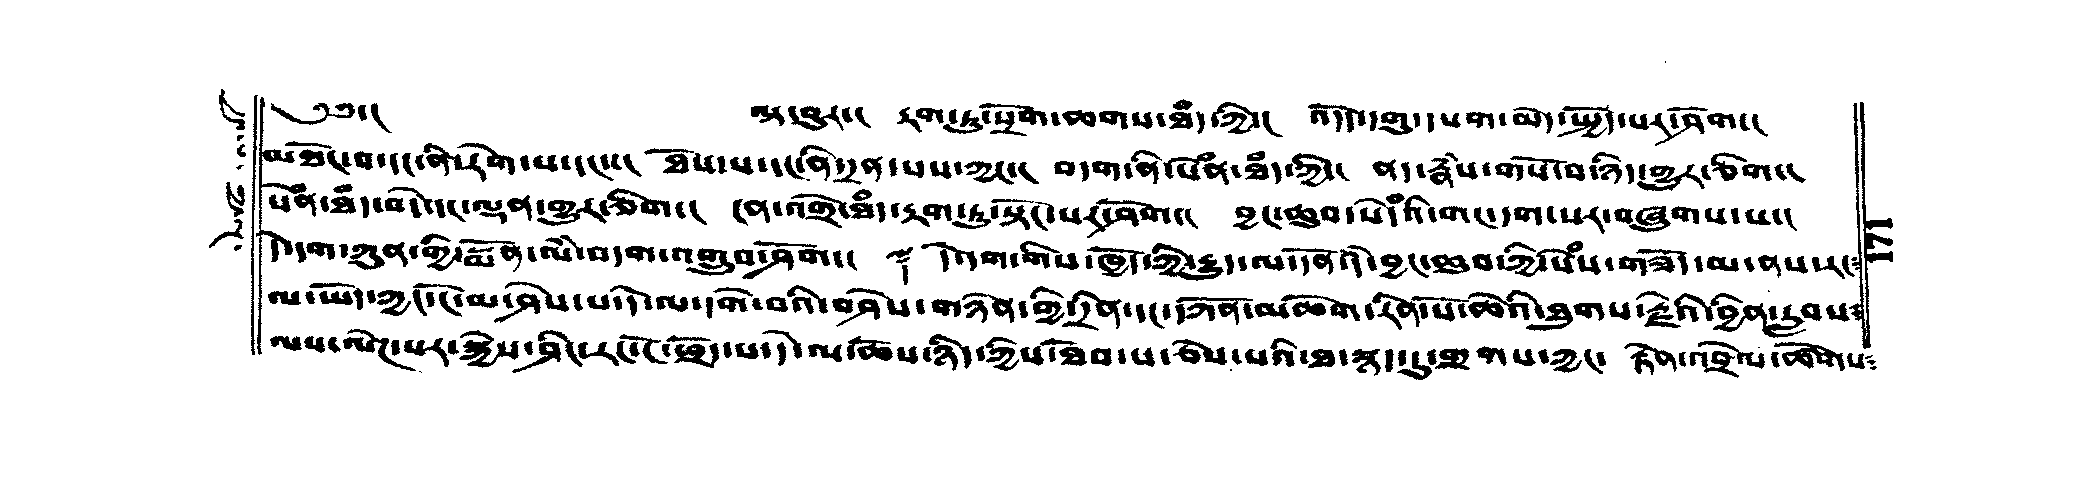ལྟ་བུར། རྟག་ཏུ་སྲོག་ཆགས་ཐམས་ཅད་ཀྱི། འདོད་དགུ་དཔག་མེད་སྤྱོད་པར་ཤོག 
མཐོང་བ་དང་ནི་རེག་པ་དང་། ཐོས་པ་དང་ནི་དྲན་པས་ཀྱང་། བདག་ནི་སེམས་ཅན་ཐམས་ཅད་ཀྱི། ནད་རྣམས་གསོ་བ་ཉིད་གྱུར་ཅིག 
སེམས་ཅན་ཐམས་ཅད་བདེ་དང་ལྡན་གྱུར་ཅིག ངན་འགྲོ་ཐམས་ཅད་རྟག་ཏུ་སྟོང་པར་ཤོག བྱང་ཆུབ་སེམས་དཔའི་གང་དག་པར་བཞུགས་པ། 
དེ་དག་ཀུན་གྱི་སྨོན་ལམ་བདག་འགྲུབ་ཤོག ༈ དེ་དག་གིས་ཁྱོད་ཀྱི་རྒྱུད་ལ་དོན་དམ་བྱང་ཆུབ་ཀྱི་སེམས་གཟོད་མ་ནས་རང་
ལ་ཡོད་ཀྱང་ངོ་མ་ཤེས་པ་དེ་ལ་དགེ་བའི་བཤེས་གཉེན་གྱི་དྲིན་དང་དཀོན་མཆོག་རིན་པོ་ཆེའི་ཐུགས་རྗེའི་བྱིན་རླབས་
ལས་ལེགས་པར་སྐྱེས་ཤིང་རང་ངོ་ཕྲོད་པ་དེ་ལ་ཆོས་ཉིད་ཀྱིས་ཐོབ་པ་ཅེས་པའི་ཐ་སྙད་དུ་གྲགས་ཀྱང་། རྟེན་འབྲེལ་ཚོགས་